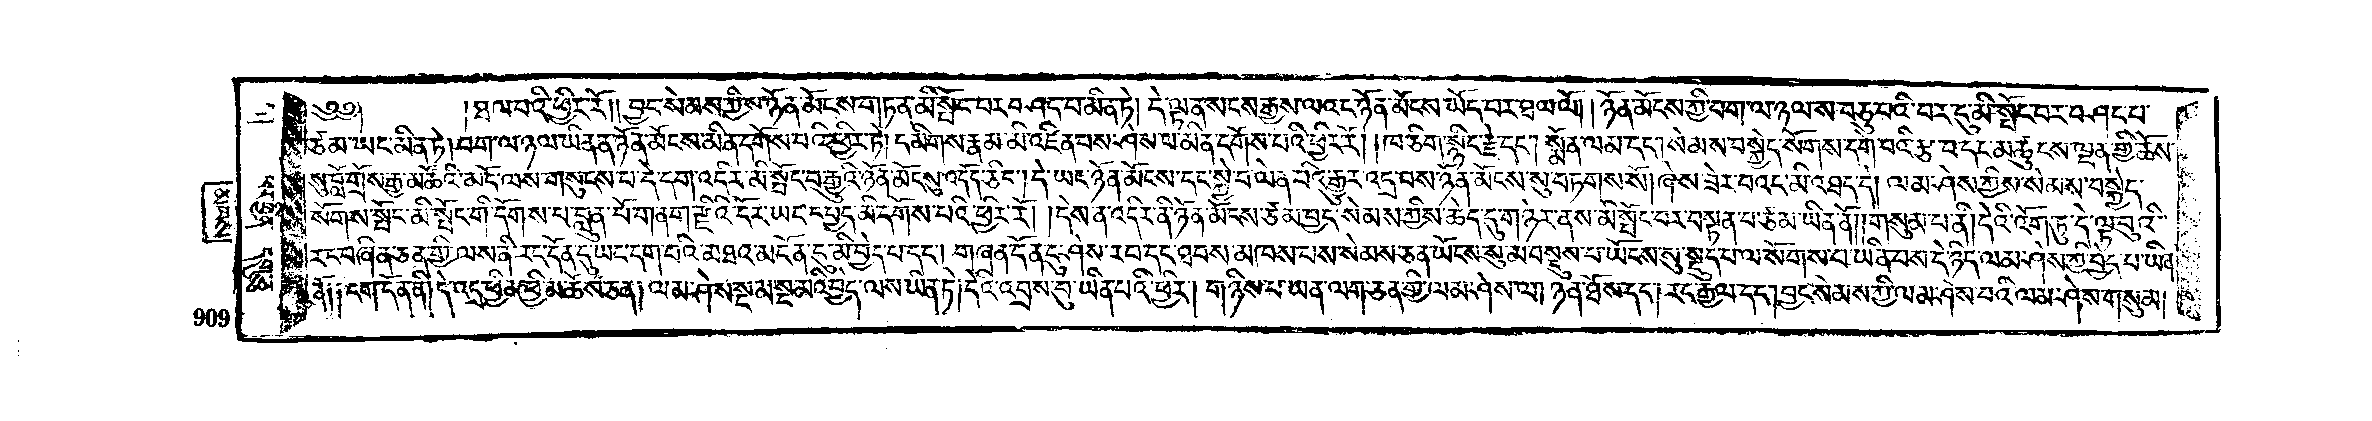༄༅། །ཐལ་བའི་ཕྱིར་རོ། །བྱང་སེམས་ཀྱིས་ཉོན་མོངས་གཏན་མི་སྤོང་བར་བཤད་པ་མིན་ཏེ། དེ་ལྟ་ན་སངས་རྒྱས་ལའང་ཉོན་མོངས་ཡོད་པར་ཐལ་ལོ། །ཉོན་མོངས་ཀྱི་བག་ལ་ཉལ་ས་བཅུ་པའི་བར་དུ་མི་སྤོང་བར་བཤད་པ་
ཙམ་ཡང་མིན་ཏེ། བག་ལ་ཉལ་ཡིན་ན་ཉོན་མོངས་མིན་དགོས་པའི་ཕྱིར་ཏེ། དམིགས་རྣམ་མི་འཛིན་པས་ཤེས་པ་མིན་དགོས་པའི་ཕྱིར་རོ། །ཁ་ཅིག་སྙིང་རྗེ་དང་། སྨོན་ལམ་དང་། སེམས་བསྐྱེད་སོགས་དགེ་བའི་རྩ་བ་དང་མཚུངས་ལྡན་གྱི་ཆོས་
སུ་བློ་གྲོས་རྒྱ་མཚོའི་མདོ་ལས་གསུངས་པ་དེ་དག་འདིར་མི་སྤོང་བ་རྒྱུའི་ཉོན་མོངས་སུ་འདོད་ཅིང་། དེ་ཡང་ཉོན་མོངས་དང་སྐྱེ་བ་ལེན་པའི་རྒྱུར་འདྲ་བས་ཉོན་མོངས་སུ་བཏགས་སོ། ཞེས་ཟེར་བའང་མི་འཐད་དེ། ལམ་ཤེས་ཀྱིས་སེམས་བསྐྱེད་
སོགས་སྤོང་མི་སྤོང་གི་དོགས་པ་བླུན་པོ་གནག་རྫིའི་ངོར་ཡང་དཔྱད་མི་དགོས་པའི་ཕྱིར་རོ། །དེས་ན་འདིར་ནི་ཉོན་མོངས་ཙམ་བྱང་སེམས་ཀྱིས་ཆེད་དུ་གཉེར་ནས་མི་སྤོང་བར་བསྟན་པ་ཙམ་ཡིན་ནོ། །གསུམ་པ་ནི། དེའི་འོག་ཏུ་དེ་ལྟ་བུའི་
རང་བཞིན་ཅན་གྱི་ལས་ནི་རང་དོན་དུ་ཡང་དག་པའི་མཐའ་མངོན་དུ་མི་བྱེད་པ་དང་། གཞན་དོན་དུ་ཤེས་རབ་དང་ཐབས་མཁས་པས་སེམས་ཅན་ཡོངས་སུ་མ་བསྡུས་པ་ཡོངས་སུ་སྡུད་པ་ལ་སོགས་པ་ཡིན་པས་དེ་ཉིད་ལམ་ཤེས་ཀྱི་བྱེད་པ་ཡིན་
ནོ། །ངག་དོན་ནི། དེ་འདྲ་ཕྱི་མ་ཕྱི་མ་ཆོས་ཅན། ལམ་ཤེས་སྔ་མ་སྔ་མའི་བྱེད་ལས་ཡིན་ཏེ། དེའི་འབྲས་བུ་ཡིན་པའི་ཕྱིར། གཉིས་པ་ཡན་ལག་ཅན་གྱི་ལམ་ཤེས་ལ། ཉན་ཐོས་དང་། རང་རྒྱལ་དང་། བྱང་སེམས་ཀྱི་ལམ་ཤེས་པའི་ལམ་ཤེས་གསུམ།